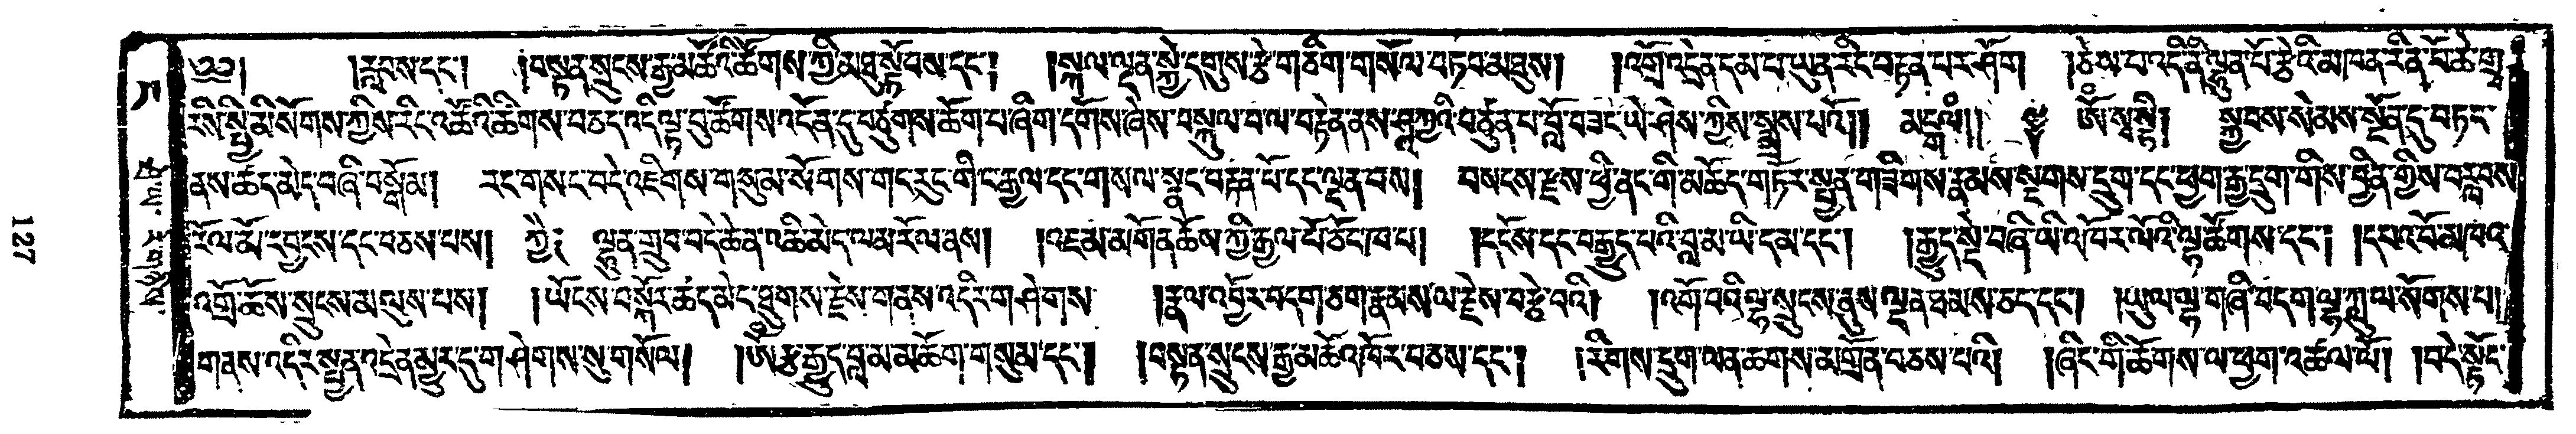༄༅། །རླབས་དང་། །བསྟན་སྲུངས་རྒྱ་མཚོའི་ཚོགས་ཀྱི་མཐུ་སྟོབས་དང་། །སྐལ་ལྡན་སྐྱེ་དགུས་རྩེ་གཅིག་གསོལ་བཏབ་མཐུས། །འགྲོ་འདྲེན་དམ་པ་ཡུན་རིང་བརྟན་པར་ཤོག །ཅེས་པ་འདི་ནི་ལྷུན་པོ་རྩེའི་མཁན་རིན་པོ་ཆེ་གྲྭ་
རིས་སྤྱི་མི་སོགས་ཀྱིས་རིང་འཚོའི་ཚིགས་བཅད་འདི་ལྟ་བུ་ཚོགས་འདོན་དུ་བཙུགས་ཆོག་པ་ཞིག་དགོས་ཞེས་བསྐུལ་བ་ལ་བརྟེན་ནས་ཤཱཀྱའི་བཙུན་པ་བློ་བཟང་ཡེ་ཤེས་ཀྱིས་སྨྲས་པའོ།། མངྒལཾ།། ༈ ཨོཾ་སྭ་སྟི། སྐྱབས་སེམས་སྔོན་དུ་བཏང་
ནས་ཚད་མེད་བཞི་བསྒོམ། རང་གསང་བདེ་འཇིགས་གསུམ་སོགས་གང་རུང་གི་ང་རྒྱལ་དང་གསལ་སྣང་བརྟན་པོ་དང་ལྡན་བས། བསངས་རྫས་ཕྱི་ནང་གི་མཆོད་གཏོར་སྤྱན་གཟིགས་རྣམས་སྔགས་དྲུག་དང་ཕྱག་རྒྱ་དྲུག་གིས་བྱིན་གྱིས་བརླབས་
རོལ་མོ་དབྱངས་དང་བཅས་པས། ཀྱཻ༑ ལྷུན་གྲུབ་བདེ་ཆེན་འཆི་མེད་ལམ་རོལ་ནས། །འཇམ་མགོན་ཆོས་ཀྱི་རྒྱལ་པོ་ཙོང་ཁ་པ། །དངོས་དང་བརྒྱུད་པའི་བླ་མ་ཡི་དམ་དང་། །རྒྱུད་སྡེ་བཞི་ཡི་འཁོར་ལོའི་ལྷ་ཚོགས་དང་། །དཔའ་བོ་མཁའ་
འགྲོ་ཆོས་སྲུངས་མ་ལུས་པས། །ཡོངས་བསྐོར་ཚད་མེད་ཐུགས་རྗེས་གནས་འདིར་གཤེགས་།རྣལ་འབྱོར་བདག་ཅག་རྣམས་ལ་རྗེས་བརྩེ་བའི། །འགོ་བའི་ལྷ་སྲུངས་ནུས་ལྡན་ཐམས་ཅད་དང་། །ཡུལ་ལྷ་གཞི་བདག་ལྷ་ཀླུ་ལ་སོགས་པ།
གནས་འདིར་སྤྱན་འདྲེན་མྱུར་དུ་གཤེགས་སུ་གསོལ། །ཨོཾ་རྩ་རྒྱུད་བླ་མ་མཆོག་གསུམ་དང་། །བསྟན་སྲུངས་རྒྱ་མཚོ་འཁོར་བཅས་དང་། །རིགས་དྲུག་ལན་ཆགས་མགྲོན་བཅས་པའི། །ཞིང་གི་ཆོགས་ལ་ཕྱག་འཚལ་ལོ། །བདེ་སྟོང་